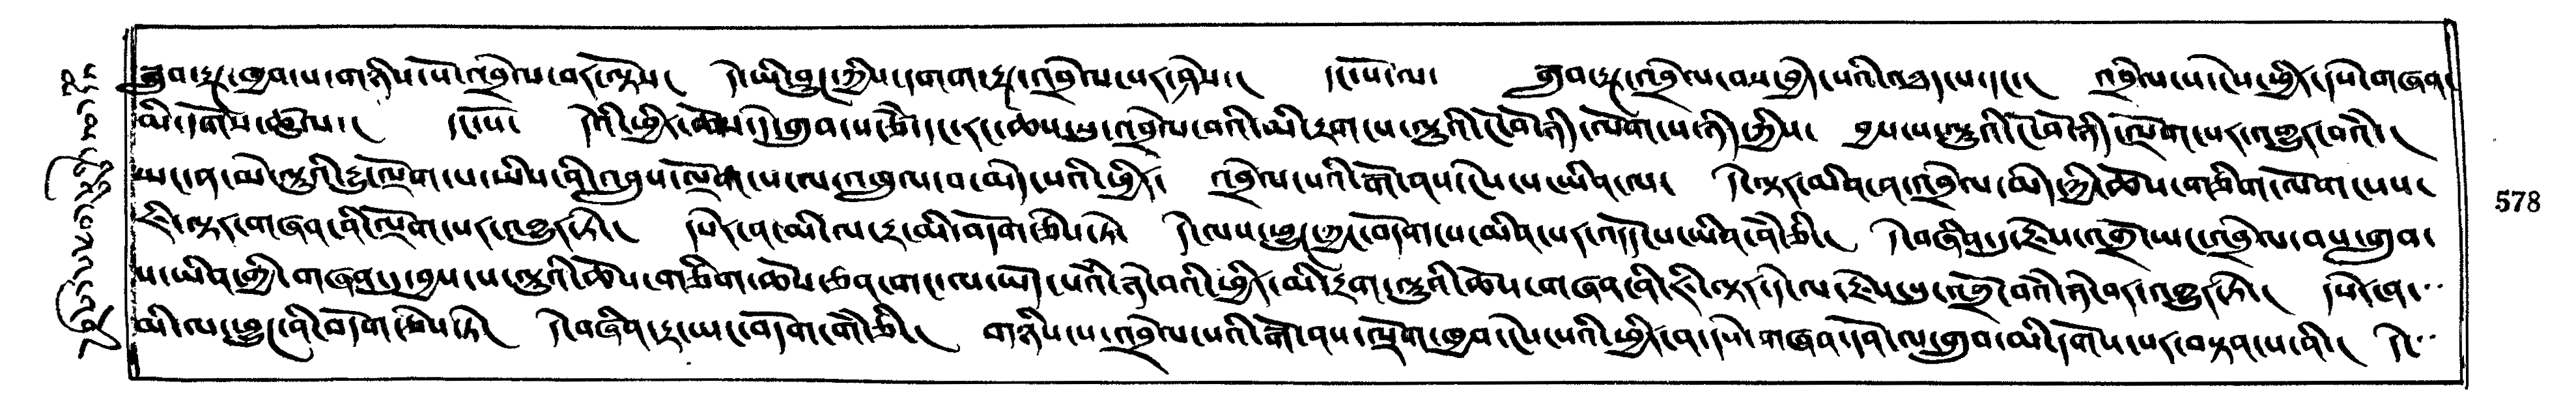སྒྲུབ་རྟགས་ཁྱབ་པ་གཉིས་པོ་འབྲེལ་བར་ལྟོས། དེ་ཡི་ཤུགས་ཀྱིས་དགག་རྟགས་འབྲེལ་བར་ཤེས། །དང་པོ་ལ། སྒྲུབ་རྟགས་འབྲེལ་བས་བྱེད་པའི་འཐད་པ་དང་། འབྲེལ་པ་ངེས་ཕྱིར་དཔེ་གཞན་
མི་དགོས་ཚུལ། དང་པོ། དེའི་ཕྱིར་ཆོས་དེ་གྲུབ་པ་ཙམ་དང་རང་ཆས་སུ་འབྲེལ་བའི་མི་རྟག་པ་ལྟ་བུའི་ངོ་བོ་ཉིད་ལོག་པ་ཉིད་ཀྱིས། བྱས་པ་ལྟ་བུའི་ངོ་བོ་ཉིད་ལྡོག་པར་འགྱུར་བའམ། 
ཡང་ན་མེ་ལྟ་བུའི་རྒྱུ་ལྡོག་པ་ཡིས་ནི་འབྲས་བུ་ལྡོག་པ་ལ་འཁྲུལ་བ་མེད་པའི་ཕྱིར། འབྲེལ་པའི་སྒོ་ནས་ངེས་པ་ཡིན་ལ། དེ་ལྟར་མིན་ན་འབྲེལ་མེད་ཀྱི་ཆོས་གཅིག་ལོག་པས་
ཇི་ལྟར་གཞན་ནི་ལྡོག་པར་གྱུར་ཏེ། དཔེར་ན་མི་ལ་རྟ་མི་བདོག་ཅེས་ཏེ། དེ་ལས་ཕྱུགས་ཀྱང་བདོག་པ་མིན་པར་འདོད་པ་ཡིན་ནམ་ཅི། དེ་བཞིན་དུ་རྗེས་འགྲོ་ཡང་འབྲེལ་བས་གྲུབ་
པ་ཡིན་གྱི་གཞན་དུ་བྱས་པ་ལྟ་བུའི་ཆོས་གཅིག་ཆོས་ཅན་གང་ལ་ཡོད་པའམ་ཉེ་བའི་ཕྱིར་མི་རྟག་ལྟ་བུའི་ཆོས་གཞན་ནི་ཇི་ལྟར་དེ་ལ་རྗེས་སུ་འགྲོ་བའམ་ཉེ་བར་འགྱུར་ཏེ།དཔེར་ན་
མི་ལ་ཕྱུགས་ནི་བདོག་ཅེས་ཏེ། གཉིས་པ་འབྲེལ་པའི་སྒོ་ནས་ལྡོག་ཁྱབ་ངེས་པའི་ཕྱིར་ན་དཔེ་གཞན་དོན་ལ་གྲུབ་མི་དགོས་པར་བསྟན་པ་ནི། དེ་